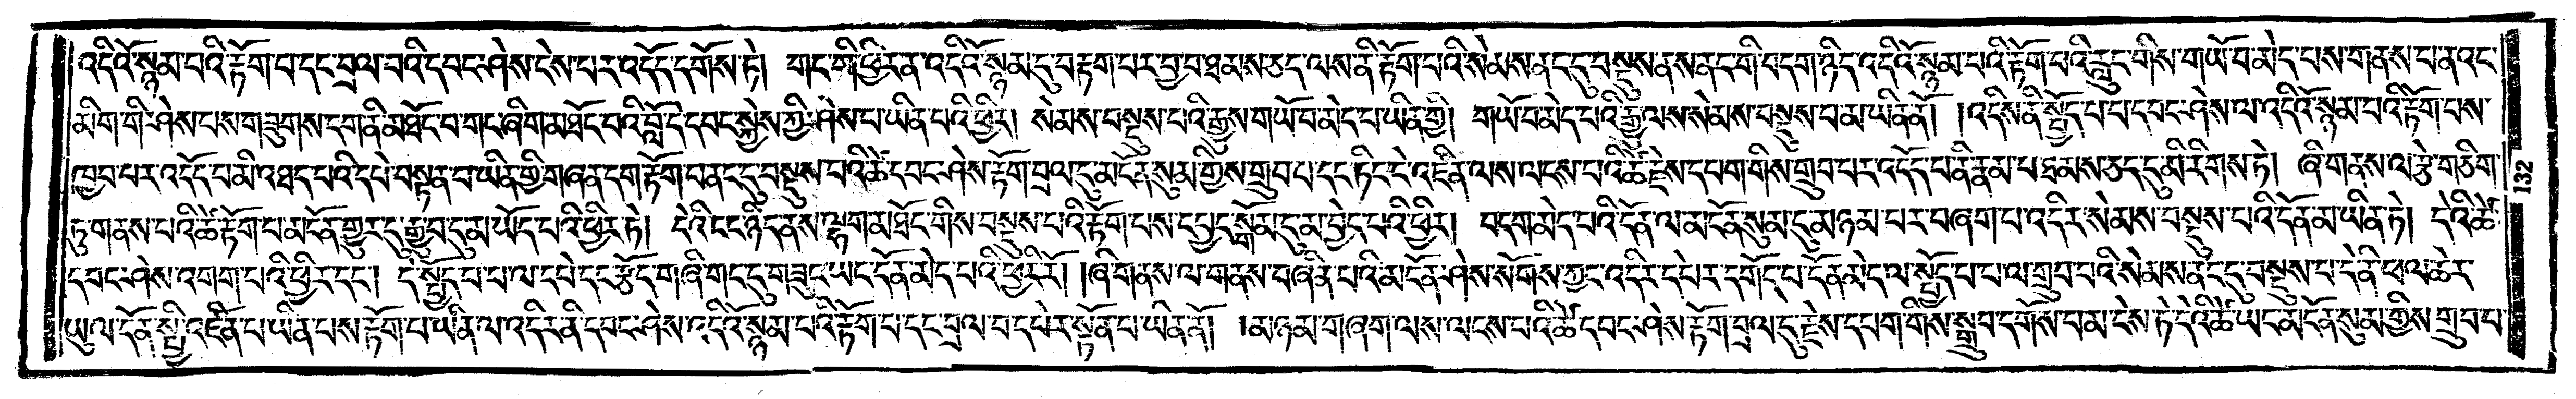འདིའོ་སྙམ་པའི་རྟོག་པ་དང་བྲལ་བའི་དབང་ཤེས་ངེས་པར་འདོད་དགོས་ཏེ། གང་གི་ཕྱིར་ན་འདིའོ་སྙམ་དུ་བརྟག་པར་བྱ་བ་ཐམས་ཅད་ལས་ནི་རྟོག་པའི་སེམས་ནང་དུ་བསྡུས་ནས་ནང་གི་བདག་ཉིད་འདིའོ་སྙམ་པའི་རྟོག་པའི་རླུང་གིས་གཡོ་བ་མེད་པས་གནས་པ་ནའང་
མིག་གི་ཤེས་པས་གཟུགས་དག་ནི་མཐོང་བ་གང་ཞིག་མཐོང་བའི་བློ་དེ་དབང་སྐྱེས་ཀྱི་ཤེས་པ་ཡིན་པའི་ཕྱིར། སེམས་བསྡུས་པའི་རྒྱུས་གཡོ་བ་མེད་པ་ཡིན་གྱི། གཡོ་བ་མེད་པའི་རྒྱུ་ལས་སེམས་བསྡུས་པ་མ་ཡིན་ནོ། །འདིས་ནི་སྤྱོད་པ་པ་དབང་ཤེས་ལ་འདིའོ་སྙམ་པའི་རྟོག་པས་
ཁྱབ་པར་འདོད་པ་མི་འཐད་པའི་དཔེ་བསྟན་པ་ཡིན་གྱི་གཞན་དག་རྟོག་པ་ནང་དུ་བསྡུས་པའི་ཚེ་དབང་ཤེས་རྟོག་བྲལ་དུ་མངོན་སུམ་གྱིས་གྲུབ་པ་དང་ཏིང་ངེ་འཛིན་ལས་ལངས་པའི་ཚེ་རྗེས་དཔག་གིས་གྲུབ་པར་འདོད་པ་ནི་རྣམ་པ་ཐམས་ཅད་དུ་མི་རིགས་ཏེ། ཞི་གནས་ལ་རྩེ་གཅིག་
ཏུ་གནས་པའི་ཚེ་རྟོག་པ་མངོན་གྱུར་དུ་རྒྱུ་བ་དུ་མ་ཡོད་པའི་ཕྱིར་ཏེ། དེའི་ངང་ཉིད་ནས་ལྷག་མཐོང་གིས་བསྡུས་པའི་རྟོག་པས་དཔྱད་སྒོམ་དུ་མ་བྱེད་པའི་ཕྱིར། བདག་མེད་པའི་དོན་ལ་མངོན་སུམ་དུ་མཉམ་པར་བཞག་པ་འདིར་སེམས་བསྡུས་པའི་དོན་ཡིན་ཏེ། དེའི་ཚེ་
དབང་ཤེས་འགག་པའི་ཕྱིར་དང་། དེ་སྤྱོད་པ་བ་ལ་དཔེ་དང་རྩོད་གཞི་གང་དུ་གཟུང་ཡང་དོན་མེད་པའི་ཕྱིར་རོ། །ཞི་གནས་ལ་གནས་བཞིན་པའི་མངོན་ཤེས་སོགས་ཀྱང་འདིར་དཔེར་དགོད་པ་དོན་མེད་ལ་སྤྱོད་པ་བ་ལ་གྲུབ་པའི་སེམས་ནང་དུ་བསྡུས་པ་དེ་ནི་ཕལ་ཆེར་
ཡུལ་དོན་སྤྱི་འཛིན་པ་ཡིན་པས་རྟོག་པ་ཡིན་ལ་འདིར་ནི་དབང་ཤེས་འདིའོ་སྙམ་པའི་རྟོག་པ་དང་བྲལ་བ་དཔེར་སྟོན་པ་ཡིན་ནོ། །མཉམ་གཞག་ལས་ལངས་པའི་ཚེ་དབང་ཤེས་རྟོག་བྲལ་དུ་རྗེས་དཔག་གིས་སྒྲུབ་དགོས་པ་མ་ངེས་ཏེ་དེའི་ཚེ་ཡང་མངོན་སུམ་གྱིས་གྲུབ་པ་